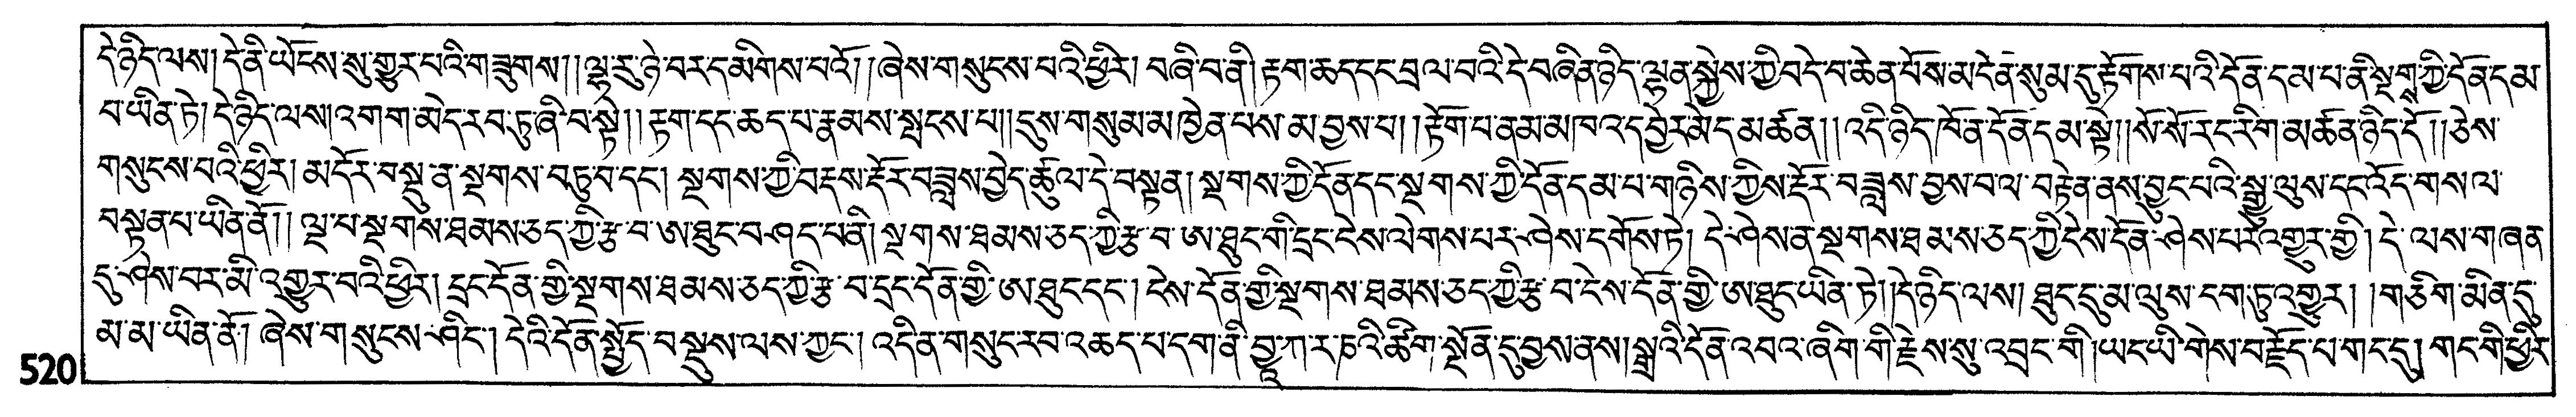དེ་ཉིད་ལས། དེ་ནི་ཡོངས་སུ་གྱུར་པའི་གཟུགས། །ལྷ་རུ་ཉེ་བར་དམིགས་པའོ། །ཞེས་གསུངས་པའི་ཕྱིར། བཞི་པ་ནི། རྟག་ཆད་དང་བྲལ་བའི་དེ་བཞིན་ཉིད་ལྷན་སྐྱེས་ཀྱི་བདེ་བ་ཆེན་པོས་མངོན་སུམ་དུ་རྟོགས་པའི་དོན་དམ་པ་ནི་སྔགས་ཀྱི་དོན་དམ་
པ་ཡིན་ཏེ། དེ་ཉིད་ལས། འགག་མེད་རབ་ཏུ་ཞི་བ་སྟེ། །རྟག་དང་ཆད་པ་རྣམས་སྤངས་པ། །དུས་གསུམ་མཁྱེན་པས་མ་བྱས་པ། །རྟོག་པ་ནམ་མཁའ་དབྱེར་མེད་མཚན། །འདི་ཉིད་ཁོ་ན་དོན་དམ་སྟེ། །སོ་སོ་རང་རིག་མཚན་ཉིད་དོ། །ཅེས་
གསུངས་པའི་ཕྱིར། མདོར་བསྡུ་ན་སྔགས་བཏུ་བ་དང་། སྔགས་ཀྱི་བརྡས་རྡོར་བཟླས་བྱེད་ཚུལ་དེ་བསྟན། སྔགས་ཀྱི་དོན་དང་སྔགས་ཀྱི་དོན་དམ་པ་གཉིས་ཀྱིས་རྡོར་བཟླས་བྱས་བ་ལ་བརྟེན་ནས་བྱུང་པའི་སྒྱུ་ལུས་དང་འོད་གསལ་
བསྟན་པ་ཡིན་ནོ། །ལྔ་པ་སྔགས་ཐམས་ཅད་ཀྱི་རྩ་བ་ཨ་ཐུང་བཤད་པ་ནི། སྔགས་ཐམས་ཅད་ཀྱི་རྩ་བ་ཨ་ཐུང་གི་དྲང་ངེས་ལེགས་པར་ཤེས་དགོས་ཏེ། དེ་ཤེས་ན་སྔགས་ཐམས་ཅད་ཀྱི་ངེས་དོན་ཤེས་པར་འགྱུར་གྱི། དེ་ལས་གཞན་
དུ་ཤེས་པར་མི་འགྱུར་བའི་ཕྱིར། དྲང་དོན་གྱི་སྔགས་ཐམས་ཅད་ཀྱི་རྩ་བ་དྲང་དོན་གྱི་ཨ་ཐུང་དང་། ངེས་དོན་གྱི་སྔགས་ཐམས་ཅད་ཀྱི་རྩ་བ་ངེས་དོན་གྱི་ཨ་ཐུང་ཡིན་ཏེ། །དེ་ཉིད་ལས། ཐུང་དུ་མ་ལུས་དག་ཏུ་འགྱུར། །གཅིག་མིན་དུ་
མ་མ་ཡིན་ནོ། ཞེས་གསུངས་ཤིང་། དེའི་དོན་སྤྱོད་བསྡུས་ལས་ཀྱང་། འདི་ན་གསུང་རབ་འཆད་པ་དག་ནི་བྱཱ་ཀ་ར་ཎའི་ཚིག་སྔོན་དུ་བྱས་ནས། སྒྲའི་དོན་འབའ་ཞིག་གི་རྗེས་སུ་འབྲང་གི །ཡང་ཡི་གེས་བརྗོད་པ་གང་དུ། གང་གི་ཕྱིར་